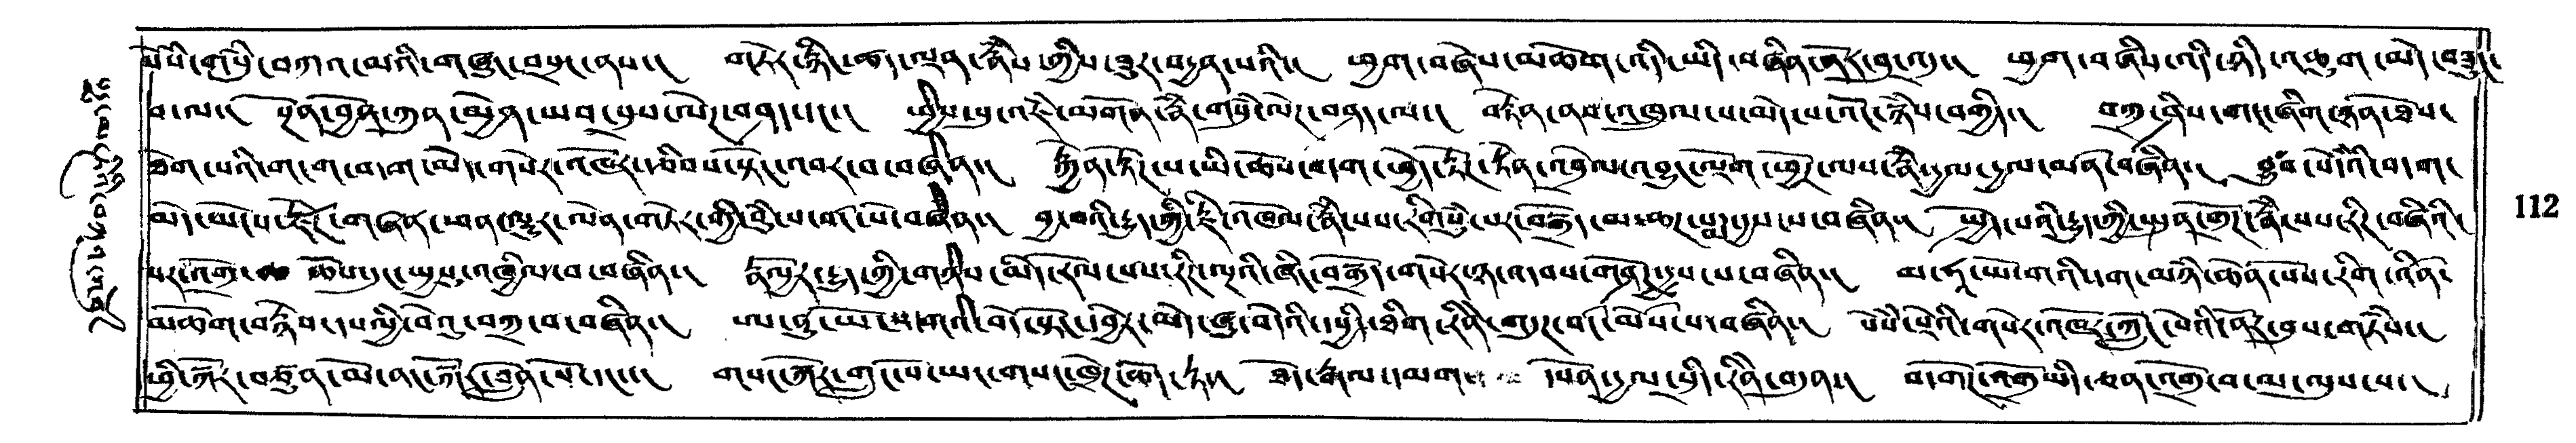སེམས་གསུམ་བཀའ་མའི་གཞུང་བསྲངས་ནས། །གཏེར་རྙིང་ཚད་ལྡན་རྣམས་ཀྱིས་ཟུར་བརྒྱན་པའི། །ཕྱག་བཞེས་མཆོག་འདི་ཡིད་བཞིན་ནོར་བུ་འདྲ། །ཕྱག་བཞེས་འདི་ཉིད་འཆུག་མེད་བཟུང་
བ་ལ། །སྔོན་བྱོན་ཀུན་མཁྱེན་ཡབ་སྲས་ལེགས་བཤད་དང་། །ཕྱིས་སུ་འཇམ་མགོན་རྣམ་གསུམ་ལེགས་བཤད་ལ། །བརྟེན་ནས་འཁྲུལ་པ་མེད་པ་འོང་སྙམ་བགྱིད། །བཀྲ་ཤིས་གང་ཞིག་ཉན་ཐོས་
ཐེག་པའི་གང་ཟག་བདག་མེད་གསེར་འཁོར་རྩིབས་སྟོང་འབར་བ་བཞིན། །རྐྱེན་རྟོགས་པ་ཡི་ཆོས་བདག་ཕྱེད་རྟོགས་རྟེན་འབྲེལ་འབྱུང་ལྡོག་ཕྱོགས་ལས་རྣམ་རྒྱལ་རྒྱལ་མཚན་བཞིན། །བྱང་ཆུབ་སེམས་དཔའི་བདག་
མེད་ཡོངས་རྫོགས་གཞན་ཕན་ལྷུར་ལེན་གཏེར་གྱི་བུམ་པ་བཟང་པོ་བཞིན། །བྱ་བའི་རྒྱུད་ཀྱི་རྗེ་འཁོལ་རྣམ་པས་རིགས་གསུམ་སར་བགྲོད་མ་ཆགས་པདྨ་རྒྱས་པ་བཞིན། །སྤྱོད་པའི་རྒྱུད་ཀྱི་སྤུན་གྲོགས་རྣམ་པས་རིགས་བཞིའི་
སར་འགྲོ་ཆོས་དུང་གཡས་སུ་འཁྱིལ་བ་བཞིན། །རྣལ་འབྱོར་རྒྱུད་ཀྱི་གཉིས་མེད་རོལ་པས་རིགས་ལྔའི་ཞིང་བགྲོད་གསེར་ཉ་འདབ་གཤོག་རྒྱས་པ་བཞིན། །མ་ཧཱ་ཡོ་གའི་དག་མཉམ་ཆེན་པོས་རིག་འཛིན་
མཆོག་བརྙེས་དཔལ་གྱི་བེའུ་བཀྲ་བ་བཞིན། །ཨ་ནུ་ཡོ་གའི་བདེ་སྟོང་དབྱེར་མེད་ཞུ་བདེའི་དཔྱིད་ཐིག་རིན་ཆེན་གདུགས་བཟང་མཛེས་པ་བཞིན། །སེམས་སྡེའི་གསེར་འཁོར་ཀློང་སྡེའི་ནོར་བུས་གཏམས། །
ཕྱི་སྐོར་བཙུན་མོ་ནང་སྐོར་བློན་པོ་དང་། །གསང་སྐོར་གླང་པོ་ཡང་གསང་ཁྲེགས་ཆོད་རྟ། །ཐོད་རྒལ་དམག་དཔོན་རྒྱལ་སྲིད་རིན་ཆེན་བདུན། །བདག་སོགས་ཡིད་ཅན་འགྲོ་བ་མ་ལུས་པ། །